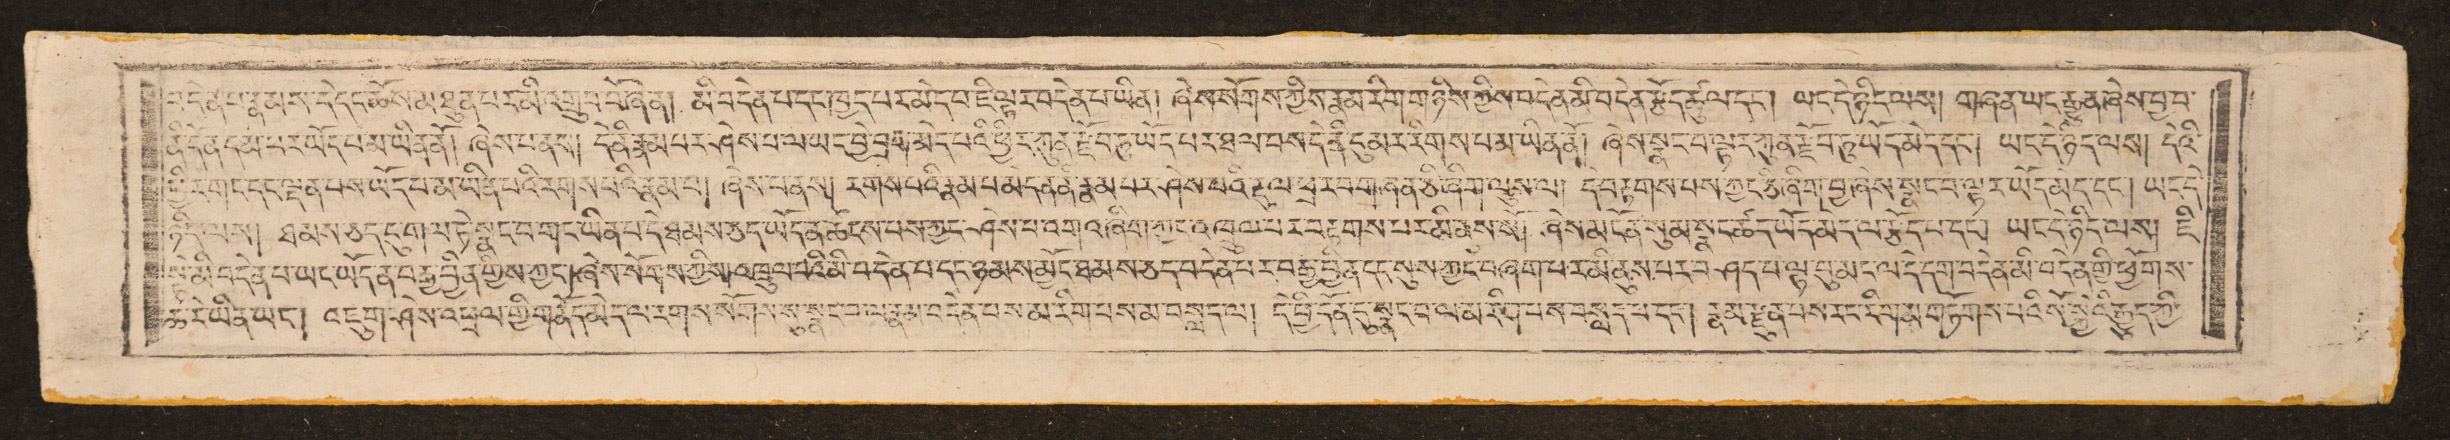མདེན་པ་རྣམས་དེ་དང་ཆོས་མཐུན་པར་མི་འགྲུབ་བོ་ཞེ་ན། མི་བདེན་པ་དང་ཁྱད་པར་མེད་པ་ཇི་ལྟར་བདེན་པ་ཡིན། ཞེས་སོགས་ཀྱིས་རྣམ་རིག་གཉིས་ཀྱིས་བདེན་མི་བདེན་རྩོད་ཚུལ་དང་། ཡང་དེ་ཉིད་ལས། གཞན་ཡང་རྒྱུན་ཞེས་བྱ་བ་
ནི་དོན་དམ་པར་ཡོད་པ་མ་ཡིན་ནོ། ཞེས་པ་ནས། དེ་ནི་རྣམ་པར་ཤེས་པ་ལ་ཡང་བྱེ་བྲག་མེད་པའི་ཕྱིར་ཀུན་རྫོབ་ཏུ་ཡོད་པར་ཐལ་བས་དེ་ནི་དུ་མར་རིགས་པ་མ་ཡིན་ནོ། ཞེས་སྣང་བ་ལྟར་ཀུན་རྫོབ་ཏུ་ཡོད་མེད་དང་། ཡང་དེ་ཉིད་ལས། དེའི་
ཕྱིར་གང་དང་ལྡན་བས་ཡོད་པ་མ་ཡིན་པའི་རགས་པའི་རྣམ་པ། ཞེས་པ་ནས། རགས་པའི་རྣམ་པ་མེད་ན་ནི་རྣམ་པར་ཤེས་པའི་རྡུལ་ཕྲར་པ་གཞན་ཅི་ཞིག་ལུས་ལ། དེ་བརྟགས་བས་ཀྱང་ཅི་ཞིག་བྱ་ཞེས་སྣང་པ་ལྟར་ཡོད་མེད་དང་། ཡང་དེ་
ཉིད་ལས། ཐམས་ཅད་དུ་གལ་ཏེ་སྣང་བ་གང་ཡིན་པ་དེ་ཐམས་ཅད་ཡོད་ན་ཚངས་བས་ཀྱང་ཤེས་པ་འགའ་ཞིག་ཀྱང་འཁྲུལ་པར་བརྟགས་པར་མི་ནུས་སོ། ཞེས་མངོན་སུམ་སྣང་ཚད་ཡོད་མེད་ལ་རྩོད་པ་དང་། ཡང་དེ་ཉིད་ལད། ཛི་
སྟེ་མི་བདེན་པ་ཡང་ཡོད་ན་བརྒྱ་བྱིན་གྱིས་ཀྱང་། ཞེས་སོགས་ཀྱིས། འཁྲུལ་པའི་མི་བདེན་པ་དང་ཏ་མས་མྱོང་ཐམས་ཅད་བདེན་པར་བརྒྱ་བྱིན་དང་སུས་ཀྱང་བཞག་པར་མི་ནུས་པར་བཤད་པ་ལྟ་བུ་མང་ལ་དེ་དག་བདེན་མི་བདེན་གྱི་ཕྱོགས་
ཆ་རེ་ཡིན་ཡང་། འཇུག་ཤེས་འཕྲལ་གྱི་གནོད་མེད་ལ་རགས་སོགས་སུ་སྣང་བ་ལ་རྣམ་བདེན་པས་མ་རིག་པས་མ་བསླད་ལ། དེ་ཕྱི་དོན་དུ་སྣང་བ་ལ་མ་རིག་པས་བསླད་པ་དང་། རྣམ་རྫུན་པས་རང་རིག་མ་གཏོགས་པའི་སོ་སྐྱོའི་རྒྱུད་ཀྱི་